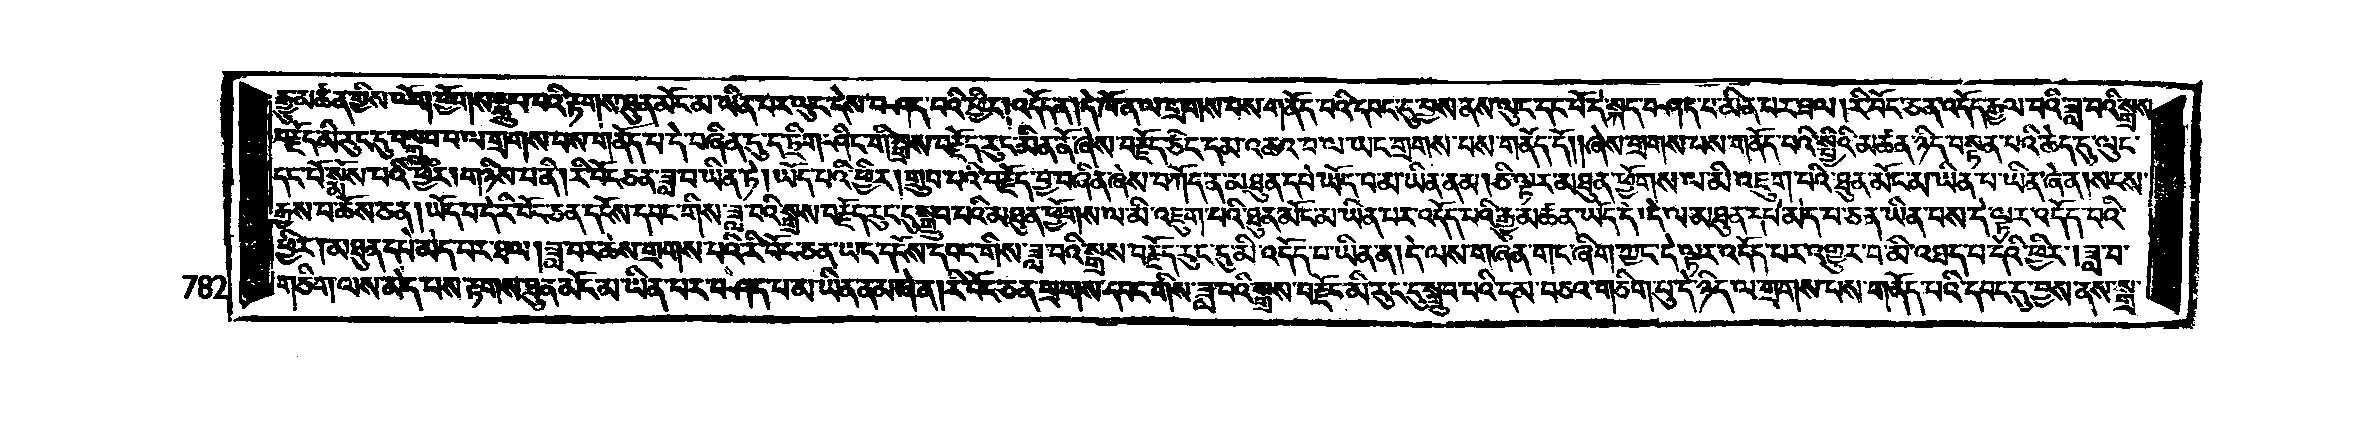རྒྱུ་མཚན་གྱིས་ལོག་ཕྱོགས་སྒྲུབ་པའི་རྟགས་ཐུན་མོང་མ་ཡིན་པར་ལུང་དེས་བཤད་པའི་ཕྱིར། འདོད་ན། དེ་ཁོ་ན་ལ་གྲགས་པས་གནོད་པའི་དབང་དུ་བྱས་ནས་ལུང་དང་པོ་དེ་སྐད་བཤད་པ་མིན་པར་ཐལ། རི་བོང་ཅན་འདོད་རྒྱལ་བའི་ཟླ་བའི་སྒྲས་
བརྗོད་མི་རུང་དུ་བསྒྲུབ་པ་ལ་གྲགས་པས་གནོད་པ་དེ་བཞིན་དུ་ད་ཏྲིག་ཤིང་གི་སྒྲས་བརྗོད་རུང་མིན་ནོ་ཞེས་བརྗོད་ཅིང་དམ་འཆའ་བ་ལ་ཡང་གྲགས་པས་གནོད་དོ། །ཞེས་གྲགས་པས་གནོད་པའི་སྤྱིའི་མཚན་ཉིད་བསྟན་པའི་ཆེད་དུ་ལུང་
དང་པོ་སྨོས་པའི་ཕྱིར། གཉིས་པ་ནི། རི་བོང་ཅན་ཟླ་བ་ཡིན་ཏེ། ཡོད་པའི་ཕྱིར། གྲུབ་པའི་བརྗོད་བྱ་བཞིན་ཞེས་བཀོད་ན་མཐུན་དཔེ་ཡོད་པ་མ་ཡིན་ནམ། ཅི་ལྟར་མཐུན་ཕྱོགས་ལ་མི་འཇུག་པའི་ཐུན་མོང་མ་ཡིན་པ་ཡིན་ཞེ་ན། སངས་
རྒྱས་པ་ཆོས་ཅན། ཡོད་པ་དེ་རི་བོང་ཅན་དངོས་དབང་གིས་ཟླ་བའི་སྒྲས་བརྗོད་རུང་དུ་སྒྲུབ་པའི་མཐུན་ཕྱོགས་ལ་མི་འཇུག་པའི་ཐུན་མོང་མ་ཡིན་པར་འདོད་པའི་རྒྱུ་མཚན་ཡོད་དེ། དེ་ལ་མཐུན་དཔེ་མེད་པ་ཅན་ཡིན་པས་དེ་ལྟར་འདོད་པའི་
ཕྱིར། མཐུན་དཔེ་མེད་པར་ཐལ། ཟླ་བར་ཚེས་གྲགས་པའི་རི་བོང་ཅན་ཡང་དངོས་དབང་གིས་ཟླ་བའི་སྒྲས་བརྗོད་རུང་དུ་མི་འདོད་པ་ཡིན་ན། དེ་ལས་གཞན་གང་ཞིག་ཀྱང་དེ་ལྟར་འདོད་པར་འགྱུར་བ་མི་འཐད་པ་དེའི་ཕྱིར། ཟླ་བ་
གཅིག་ལས་མེད་པས་རྟགས་ཐུན་མོང་མ་ཡིན་པར་བཤད་པ་མ་ཡིན་ནམ་ཞེ་ན། རི་བོང་ཅན་གྲགས་དབང་གིས་ཟླ་བའི་སྒྲས་བརྗོད་མི་རུང་དུ་སྒྲུབ་པའི་དམ་བཅའ་གཅིག་པུ་དེ་ཉིད་ལ་གྲགས་པས་གནོད་པའི་དབང་དུ་བྱས་ནས་སྒྲ་